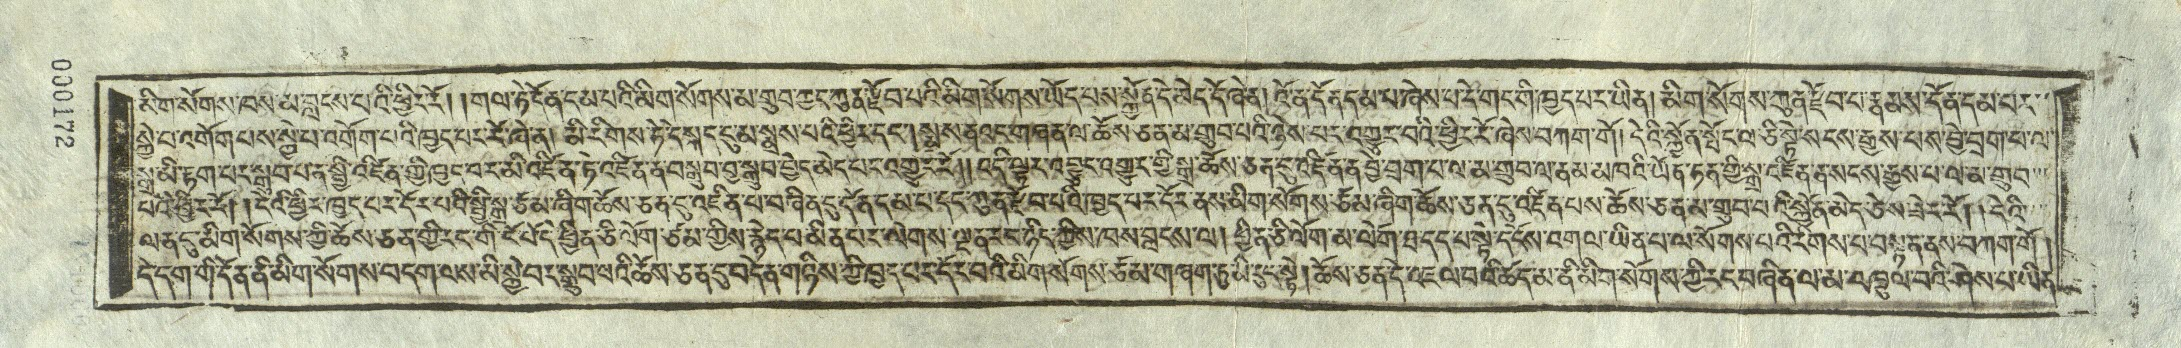མིག་སོགས་ཁས་མ་བླངས་པའི་ཕྱིར་རོ། །གལ་ཏེ་དོན་དམ་པའི་མིག་སོགས་མ་གྲུབ་ཀྱང་ཀུན་རྫོབ་པའི་མིག་སོགས་ཡོད་པས་སྐྱོན་དེ་མེད་དོ་ཞེ་ན། འོ་ན་དོན་དམ་པ་ཞེས་པ་དེ་གང་གི་ཁྱད་པར་ཡིན། མིག་སོགས་ཀུན་རྫོབ་པ་རྣམས་དོན་དམ་པར་
སྐྱེ་བ་འགོག་པས་སྐྱེ་བ་འགོག་པའི་ཁྱད་པར་རོ་ཞེ་ན། མི་རིགས་ཏེ་དེ་སྐད་དུ་མ་སྨྲས་པའི་ཕྱིར་དང་། སྨྲས་ནའང་གཞན་ལ་ཆོས་ཅན་མ་གྲུབ་པའི་ཉེས་པར་འགྱུར་བའི་ཕྱིར་རོ་ཞེས་བཀག་གོ། དེའི་སྐྱོན་སྤོང་ལ་ཅི་སྟེ་སངས་རྒྱས་པས་བྱེ་བྲག་པ་ལ་
སྒྲ་མི་རྟག་པར་སྒྲུབ་པ་ན་སྤྱི་འཛིན་གྱི་ཁྱད་པར་མི་འཛིན་ཏེ་འཛིན་ན་བསྒྲུབ་བྱ་སྒྲུབ་བྱེད་མེད་པར་འགྱུར་རོ། །འདི་ལྟར་འབྱུང་འགྱུར་གྱི་སྒྲ་ཆོས་ཅན་དུ་འཛིན་ན་བྱེ་བྲག་པ་ལ་མ་གྲུབ་ལ་ནམ་མཁའི་ཡོན་ཏན་གྱི་སྒྲ་འཛིན་ན་སངས་རྒྱས་པ་ལ་མ་གྲུབ་
པའི་ཕྱིར་རོ། །དེའི་ཕྱིར་ཁྱད་པར་དོར་བའི་སྤྱི་སྒྲ་ཙམ་ཞིག་ཆོས་ཅན་དུ་འཛིན་པ་བཞིན་དུ་དོན་དམ་པ་དང་ཀུན་རྫོབ་པའི་ཁྱད་པར་དོར་ནས་མིག་སོགས་ཙམ་ཞིག་ཆོས་ཅན་དུ་འཛིན་པས་ཆོས་ཅན་མ་གྲུབ་པའི་སྐྱོན་མེད་ཅེས་ཟེར་རོ། །དེའི་
ལན་དུ་མིག་སོགས་ཀྱི་ཆོས་ཅན་གྱི་རང་གི་ངོ་བོ་དེ་ཕྱིན་ཅི་ལོག་ཙམ་གྱིས་རྙེད་པ་མིན་པར་ལེགས་ལྡན་རང་ཉིད་ཀྱིས་ཁས་བླངས་ལ། ཕྱིན་ཅི་ལོག་མ་ལོག་ཐ་དད་པ་སྟེ་དངོས་འགལ་ཡིན་པ་ལ་སོགས་པའི་རིགས་པ་བསྟན་ནས་བཀག་གོ།
དེ་དག་གི་དོན་ནི་མིག་སོགས་བདག་ལས་མི་སྐྱེ་བར་སྒྲུབ་པའི་ཆོས་ཅན་དུ་བདེན་གཉིས་ཀྱི་ཁྱད་པར་དོར་བའི་མིག་སོགས་ཙམ་གཞག་ཏུ་མི་རུང་སྟེ། ཆོས་ཅན་དེ་འཇལ་བའི་ཚད་མ་ནི་མིག་སོགས་ཀྱི་རང་བཞིན་ལ་མ་འཁྲུལ་བའི་ཤེས་པ་ཡིན་